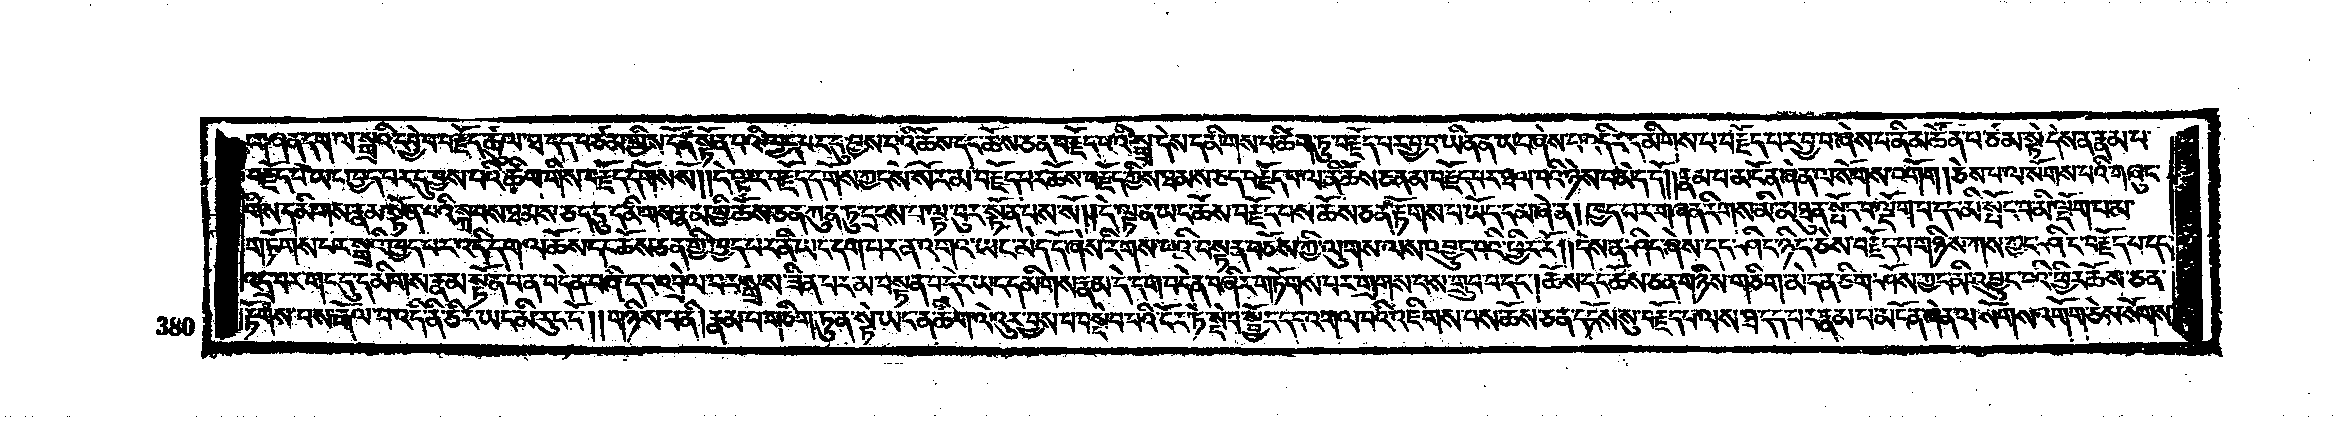གཞན་དག་ལ་སྒྲའི་དབྱེ་བ་བརྗོད་ཚུལ་ཐ་དད་པ་ཙམ་གྱིས་དོན་སྟོན་པའི་ཁྱད་པར་དུ་བྱས་པའི་ཆོས་དང་ཆོས་ཅན་བརྗོད་པའི་སྒྲ་དེས་དམིགས་པ་ཚིག་ཏུ་བརྗོད་པར་བྱ་བ་ཡིན་ན་ཡང་ཞེས་པ་འདིར་དམིགས་པ་བརྗོད་པར་བྱ་བ་ཞེས་པ་ནི་མཚོན་པ་ཙམ་སྟེ་དེས་ན་རྣམ་པ་
བརྗོད་པ་ཡང་ཁྱད་པར་དུ་བྱས་པའི་ཚིག་གིས་བརྗོད་དགོས་སོ། །དེ་ལྟར་བརྗོད་དགོས་ཀྱང་སོ་སོར་མ་བརྗོད་པར་ཆོས་བརྗོད་ཀྱིས་ཐམས་ཅད་བརྗོད་པ་ལ་ནི་ཆོས་ཅན་མ་བརྗོད་པར་ཐལ་བའི་ཉེས་པ་མེད་དོ། །རྣམ་པ་མངོན་ཞེན་ལ་སོགས་འགོག །ཅེས་པ་ལ་སོགས་པའི་གཞུང་
གིས་དམིགས་རྣམ་སྟོན་པའི་སྐབས་ཐམས་ཅད་དུ་དམིགས་རྣམ་གྱི་ཆོས་ཅན་ཀུན་ཏུ་དྲངས་པ་ལྟ་བུར་སྟོན་པས་སོ། །དེ་ལྟ་ན་ཡང་ཆོས་བརྗོད་པས་ཆོས་ཅན་རྟོགས་པ་ཡོད་དམ་ཞེ་ན། ཁྱད་པར་གཞན་རིགས་མི་མཐུན་སྤོང་བ་ལྡོག་པ་དང་མི་སྤོང་བ་མི་ལྡོག་པ་མ་
གཏོགས་པར་སྒྲའི་ཁྱད་པར་འདི་དག་ལ་ཆོས་དང་ཆོས་ཅན་གྱི་ཁྱད་པར་ནི་ཡང་དག་པར་ན་འགའ་ཡང་མེད་དོ་ཞེས་རིགས་པའི་བསྟན་བཅོས་ཀྱི་ལུགས་ལས་འབྱུང་བའི་ཕྱིར་རོ། །དེས་ན་ཤིང་ཞེས་དང་ཤིང་ཉིད་ཅེས་བརྗོད་པ་གཉིས་ཀས་ཀྱང་ཤིང་བརྗོད་པ་དང་
འདྲ་བར་གང་དུ་དམིགས་རྣམ་སྟོན་པ་ན་བདེན་བཞི་དང་འབྲེལ་པར་སྒྲས་ཟིན་པར་མ་བསྟན་པ་དེར་ཡང་དམིགས་རྣམ་དེ་དག་བདེན་བཞིར་གཏོགས་པར་གྲགས་པས་གྲུབ་པ་དང་། ཆོས་དང་ཆོས་ཅན་གཉིས་གཅིག་མེད་ན་ཅིག་ཤོས་ཀྱང་མི་འབྱུང་བའི་ཕྱིར་ཆོས་ཅན་
རྟོགས་པས་རྒོལ་བ་འདི་ནི་ཅིར་ཡང་མི་རུང་ངོ། །གཉིས་པ་ནི། རྣམ་པ་གཅིག་ཏུ་ན་སྟེ་ཡང་ན་ཚིག་ལེའུར་བྱས་པ་བསྡེབ་པའི་ངོར་ཏེ་སྡེབ་སྦྱོར་དང་འགལ་བའི་འཇིགས་པས་ཆོས་ཅན་དངོས་སུ་བརྗོད་པ་ལས་ཐ་དད་པར་རྣམ་པ་མངོན་ཞེན་ལ་སོགས་འགོག་ཅེས་སོགས་